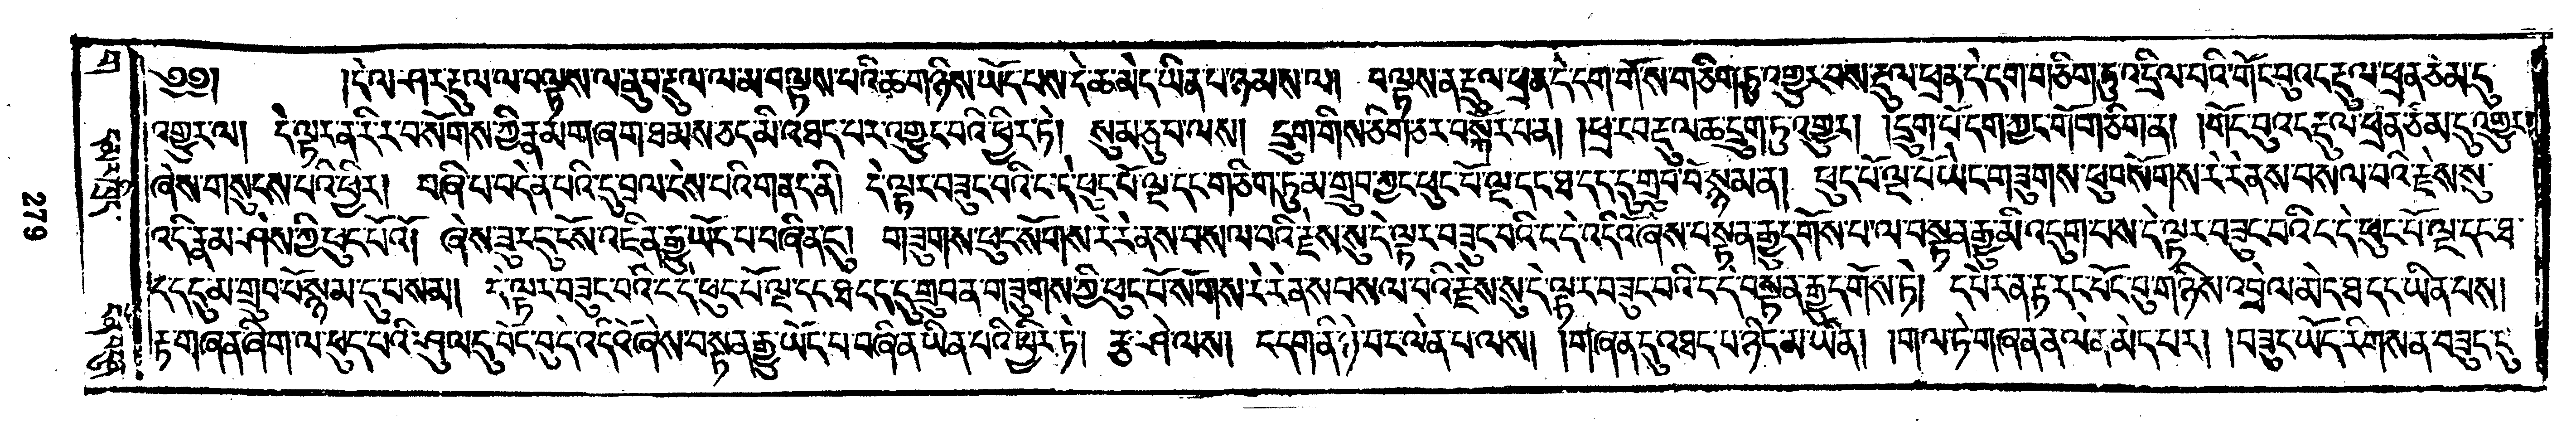༄༅། །དེ་ལ་ཤར་རྡུལ་ལ་བལྟས་ལ་ནུབ་རྡུལ་ལ་མ་བལྟས་པའི་ཆ་གཉིས་ཡོད་པས་དེ་ཆ་མེད་ཡིན་པ་ཉམས་ལ། བལྟས་ན་རྡུལ་ཕྲན་དེ་དག་གོས་གཅིག་ཏུ་འགྱུར་བས་རྡུལ་ཕྲན་དེ་དག་གཅིག་ཏུ་འདྲིལ་བའི་གོང་བུའང་རྡུལ་ཕྲན་ཙམ་དུ་
འགྱུར་ལ། དེ་ལྟར་ན་རི་རབ་སོགས་ཀྱི་རྣམ་གཞག་ཐམས་ཅད་མི་འཐད་པར་འགྱུར་བའི་ཕྱིར་ཏེ། སུམ་ཅུ་བ་ལས། དྲུག་གིས་ཅིག་ཅར་བསྐོར་པ་ན། །ཕྲ་རབ་རྡུལ་ཆ་དྲུག་ཏུ་འགྱུར། །དྲུག་པོ་དག་ཀྱང་གོ་གཅིག་ན། །གོང་བུའང་རྡུལ་ཕྲན་ཙམ་དུ་འགྱུར་
ཞེས་གསུངས་པའི་ཕྱིར། བཞི་པ་བདེན་པའི་དུ་བྲལ་ངེས་པའི་གནད་ནི། དེ་ལྟར་བཟུང་བའི་ང་དེ་ཕུང་པོ་ལྔ་དང་གཅིག་ཏུ་མ་གྲུབ་ཀྱང་ཕུང་པོ་ལྔ་དང་ཐ་དད་དུ་གྲུབ་བོ་སྙམ་ན། ཕུང་པོ་ལྔ་པོ་ཡེང་གཟུགས་ཕུབ་སོགས་རེ་རེ་ནས་བསལ་བའི་རྗེས་སུ་
འདི་རྣམ་ཤེས་ཀྱི་ཕུང་པོའོ། ཞེས་ཟུར་དུ་ངོས་འཛིན་རྒྱུ་ཡོད་པ་བཞིན་དུ། གཟུགས་ཕུང་སོགས་རེ་རེ་ནས་བསལ་བའི་རྗེས་སུ་དེ་ལྟར་བཟུང་བའི་ང་དེ་འདིའོ་ཞེས་བསྟན་རྒྱུད་གོས་པ་ལ་བསྟན་རྒྱུ་མི་འདུག་པས་དེ་ལྟར་བཟུང་བའི་ང་དེ་ཕུང་པོ་ལྔ་དང་ཐ་
དད་དུ་མ་གྲུབ་པོ་སྙམ་དུ་བསམ། དེ་ལྟར་བཟུང་བའི་ང་དེ་ཕུང་པོ་ལྔ་དང་ཐ་དད་དུ་གྲུབ་ན་གཟུགས་ཀྱི་ཕུང་པོ་སོགས་རེ་རེ་ནས་བསལ་བའི་རྗེས་སུ་དེ་ལྟར་བཟུང་བའི་ང་དེ་བསྟན་རྒྱུད་དགོས་ཏེ། དཔེར་ན་རྟ་རང་པོང་བུ་གཉིས་འབྲེལ་མེད་ཐ་དད་ཡིན་པས།
རྟ་གཞན་ཞིག་ལ་ཕུད་པའི་ཤུལ་དུ་བོང་བུ་དེ་འདིའོ་ཞེས་བསྟན་རྒྱུ་ཡོད་པ་བཞིན་ཡིན་པའི་ཕྱིར་ཏེ། རྩ་ཤེ་ལས། ང་དག་ནི་ཉེ་བར་ལེན་པ་ལས། །གཞན་དུ་འཐད་པ་ཉིད་མ་ཡིན། །གལ་ཏེ་གཞན་ན་ལེན་མེད་པར། །བཟུང་ཡོད་རིགས་ན་བཟུང་དུ་